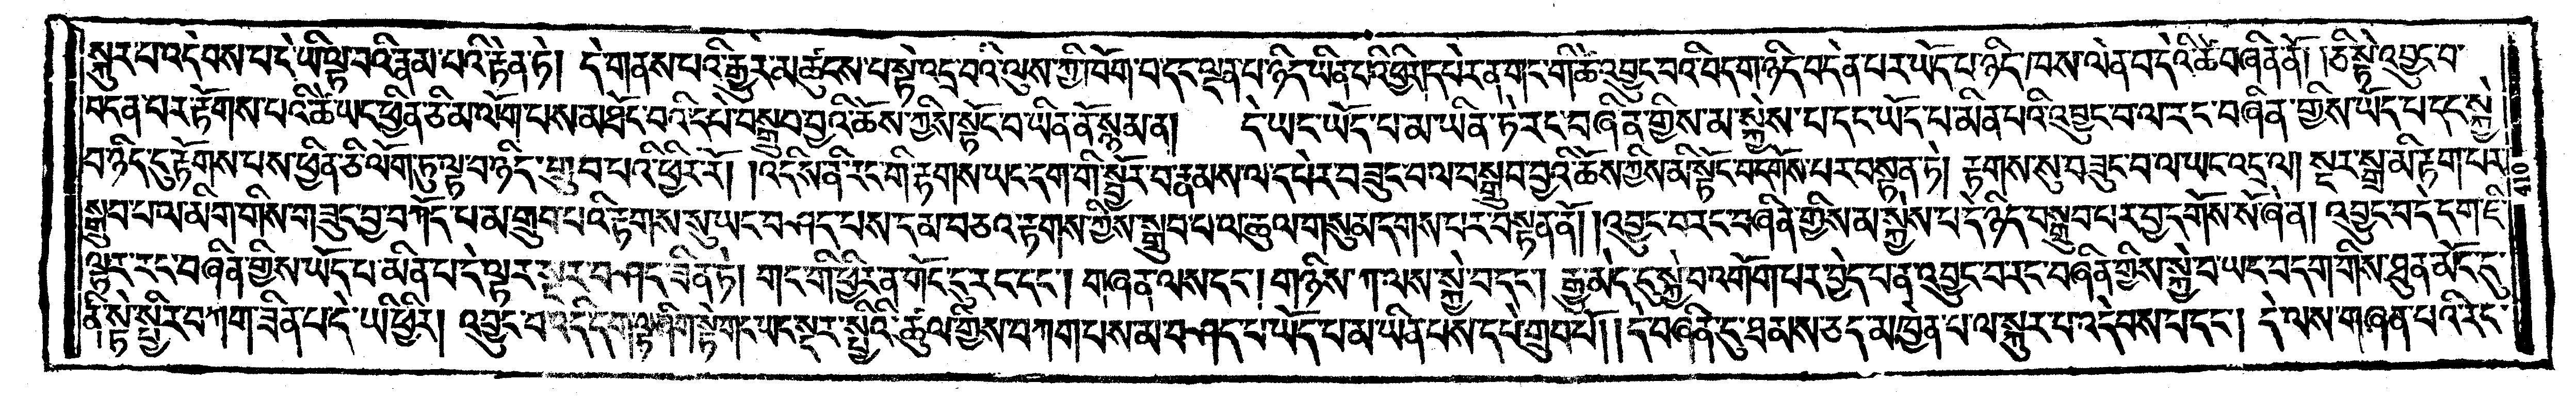སྐུར་པ་འདེབས་པ་དེ་ཡི་ལྟ་བའི་རྣམ་པའི་རྟེན་ཏེ། དེ་གནས་པའི་རྒྱུར་མཚུངས་པ་སྟེ་འདྲ་བའི་ལུས་ཀྱི་ཁོག་པ་དང་ལྡན་པ་ཉིད་ཡིན་པའི་ཕྱིར། དཔེར་ན་གང་གི་ཚེ་འབྱུང་བའི་བདག་ཉིད་བདེན་པར་ཡོད་པ་ཉིད་ཁས་ལེན་པ་དེའི་ཚེ་བཞིན་ནོ། །ཅི་སྟེ་འབྱུང་བ་
བདེན་པར་རྟོགས་པའི་ཚེ་ཡང་ཕྱིན་ཅི་མ་ལོག་པས་མཐོང་བའི་དཔེ་བསྒྲུབ་བྱའི་ཆོས་ཀྱིས་སྟོང་པ་ཡིན་ནོ་སྙམ་ན། དེ་ཡང་ཡོད་པ་མ་ཡིན་ཏེ་རང་བཞིན་གྱིས་མ་སྐྱེས་པ་དང་ཡོད་པ་མིན་པའི་འབྱུང་བ་ལ་རང་བཞིན་གྱིས་ཡོད་པ་དང་སྐྱེ་
བ་ཉིད་དུ་རྟོགས་པས་ཕྱིན་ཅི་ལོག་ཏུ་ལྟ་བ་ཉིད་གྲུབ་པའི་ཕྱིར་རོ། །འདིས་ནི་རང་གི་རྟགས་ཡང་དག་གི་སྦྱོར་བ་རྣམས་ལ་དཔེར་བཟུང་བ་ལ་བསྒྲུབ་བྱའི་ཆོས་ཀྱིས་མི་སྟོང་བ་དགོས་པར་བསྟན་ཏེ། རྟགས་སུ་བཟུང་བ་ལ་ཡང་འདྲ་ལ། སྔར་སྒྲ་མི་རྟག་པར་
སྒྲུབ་པ་ལ་མིག་གིས་གཟུང་བྱ་བཀོད་པ་མ་གྲུབ་པའི་རྟགས་སུ་ཡང་བཤད་པས་དམ་བཅའ་རྟགས་ཀྱིས་སྒྲུབ་པ་ལ་ཚུལ་གསུམ་དགོས་པར་བསྟན་ནོ། །འབྱུང་བ་རང་བཞིན་གྱིས་མ་སྐྱེས་པ་དེ་ཉིད་བསྒྲུབ་པར་བྱ་དགོས་སོ་ཞེ་ན། འབྱུང་བ་དེ་དག་ཇི་
ལྟར་རང་བཞིན་གྱིས་ཡོད་པ་མིན་པ་དེ་ལྟར་སྔར་བཤད་ཟིན་ཏོ། གང་གི་ཕྱིར་ན་གོང་དུ་རང་དང་། གཞན་ལས་དང་། གཉིས་ཀ་ལས་སྐྱེ་བ་དང་། རྒྱུ་མེད་དུ་སྐྱེ་བ་འགོག་པར་བྱེད་པ་ན་འབྱུང་བ་རང་བཞིན་གྱིས་སྐྱེ་བ་ཡང་བདག་གིས་ཐུན་མོང་དུ་
ནི་སྟེ་སྤྱིར་བཀག་ཟིན་པ་དེ་ཡི་ཕྱིར། འབྱུང་བ་འདི་དག་ལྟ་ཞིག་སྟེ་གང་ཡང་སྔར་སྤྱིའི་ཚུལ་གྱིས་བཀག་པས་མ་བཤད་པ་ཡོད་པ་མ་ཡིན་པས་དཔེ་གྲུབ་བོ། །དེ་བཞིན་དུ་ཐམས་ཅད་མཁྱེན་པ་ལ་སྐུར་པ་འདེབས་པ་དང་། དེ་ལས་གཞན་པའི་རང་